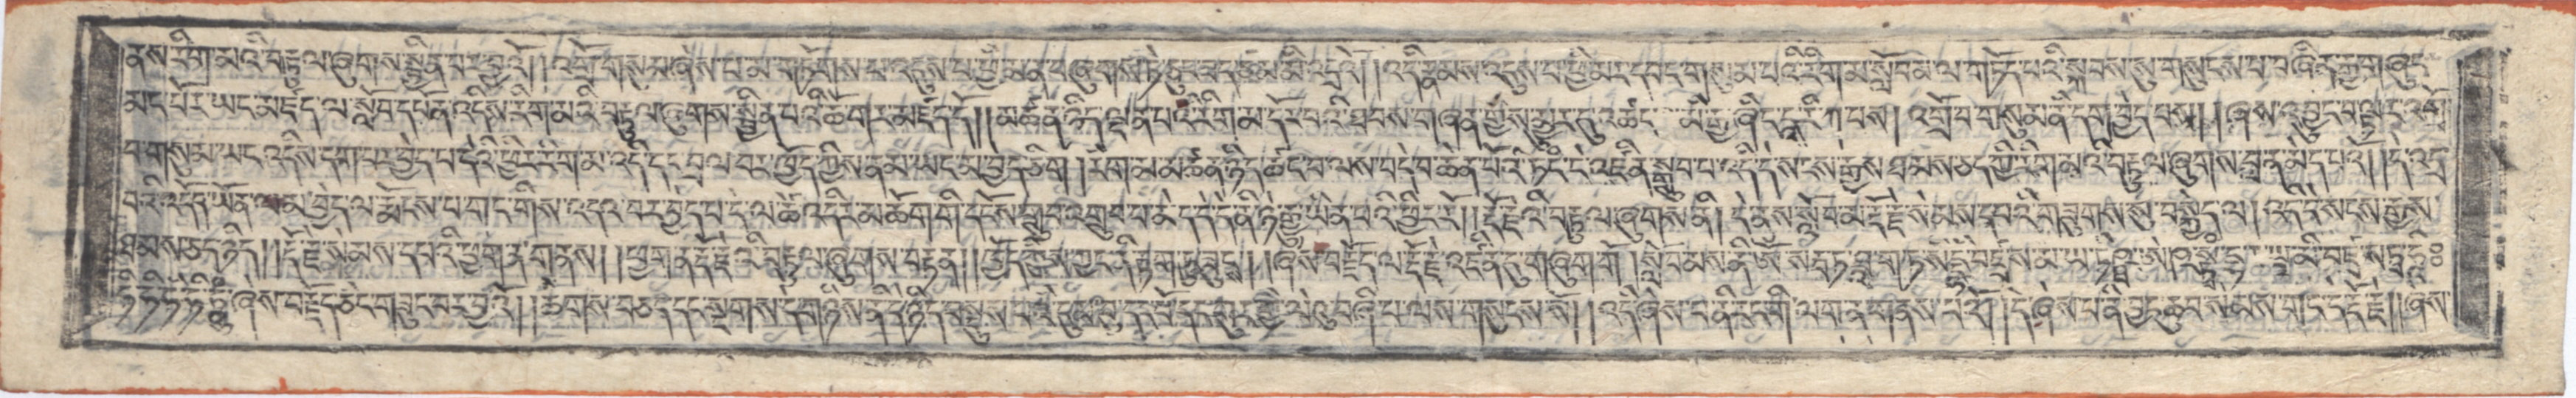ནས་རིག་མའི་བརྟུལ་ཞུགས་སྦྱིན་པར་བྱའོ། །འགྲོ་གསུམ་ཞེས་པ་མ་གཏོགས་པ་འདུས་པ་ཕྱི་མ་ན་བཞུགས་ཏེ་ཅུང་ཟད་ཙམ་མི་འདྲའོ། །འདི་རྣམས་འདུས་པ་ཕྱི་མར་དབང་གསུམ་པའི་རིག་མ་སློབ་མ་ལ་གཏོད་པའི་སྐབས་སུ་གསུངས་པ་བཞིན་རྒྱ་གཞུང་
མང་པོར་ཡང་མཛད་ལ་སློབ་དཔོན་འདིས་རིག་མའི་བརྟུལ་ཞུགས་སྦྱིན་པའི་ཆོ་གར་མཛད་དོ། །མཚན་ཉིད་ལྡན་པའི་རིག་མ་དོར་བའི་ཐབས་གཞན་གྱིས་མྱུར་དུ་འཚང་མི་རྒྱ་ཞིང་དཱ་རི་ཀ་པས། འགྲོ་བ་གསུམ་ནི་དག་བྱེད་པས། །ཞེས་འབྱུང་བ་ལྟར་འགྲོ་
བ་གསུམ་ཡང་འདིས་དག་པར་བྱེད་པ་དེའི་ཕྱིར་རིག་མ་འདི་དང་བྲལ་བར་ཁྱོད་ཀྱིས་ནམ་ཡང་མ་བྱེད་ཅིག །རིག་མ་མཚན་ཉིད་ཚང་བ་ལས་བདེ་བ་ཆེན་པོའི་ཏིང་ངེ་འཛིན་སྒྲུབ་པ་འདི་དེ་སངས་རྒྱས་ཐམས་ཅད་ཀྱི་རིག་མའི་བརྟུལ་ཞུགས་བླ་ན་མེད་པའོ། །དེ་འདྲ་
བའི་འདོད་ཡོན་ལམ་བྱེད་ལ་རྨོངས་པ་གང་གིས་འདའ་བར་བྱེད་པ་དེ་ལ་ཚེ་འདིར་མཆོག་གི་དངོས་གྲུབ་འགྲུབ་པ་མེད་དེ་དེ་ནི་ཉེ་རྒྱུ་ཡིན་པའི་ཕྱིར་རོ། །རྡོ་རྗེའི་བརྟུལ་ཞུགས་ནི། དེ་ནས་སློབ་མ་རྡོ་རྗེ་སེམས་དཔའི་གཟུགས་སུ་བསྐྱེད་ལ། འདི་དེ་སངས་རྒྱས་
ཐམས་ཅད་ཉིད། །རྡོ་རྗེ་སེམས་དཔའི་ཕྱག་ན་གནས། །ཕྱག་ན་རྡོ་རྗེའི་བརྟུལ་ཞུགས་བརྟན། །ཁྱོད་ཀྱིས་ཀྱང་ནི་རྟག་ཏུ་ཟུངས། །ཞེས་བརྗོད་ལ་རྡོ་རྗེ་འཛིན་དུ་གཞུག་གོ །སློབ་མས་ནི་ཨོཾ་སརྦ་ཏ་ཐཱ་ག་ཏ་སིདྡྷི་བཛྲ་ས་མ་ཡ་ཏིཥྠ་ཨེ་ཥ་སྟྭཾ་དྷ་ར་ཡཱ་མི་བཛྲ་སཏྭ་ཧཱིཿ
ཧི་ཧི་ཧི་ཧི་ཧཱུཾ་ཞེས་བརྗོད་ཅིང་གཟུང་བར་བྱའོ། །ཚིགས་བཅད་དང་སྔགས་དེ་གཉིས་ནི་དེ་ཉིད་བསྡུས་པའི་དུམ་བུ་དང་པོ་དང་གུར་གྱི་ལེའུ་བཞི་པ་ལས་གསུངས་སོ། །འདི་ཞེས་པ་ནི་རང་གི་ལག་ན་གནས་པའོ། །དེ་ཞེས་པ་ནི་བྱང་ཆུབ་སེམས་གང་དེ་རྡོ་རྗེ། །ཞེས་